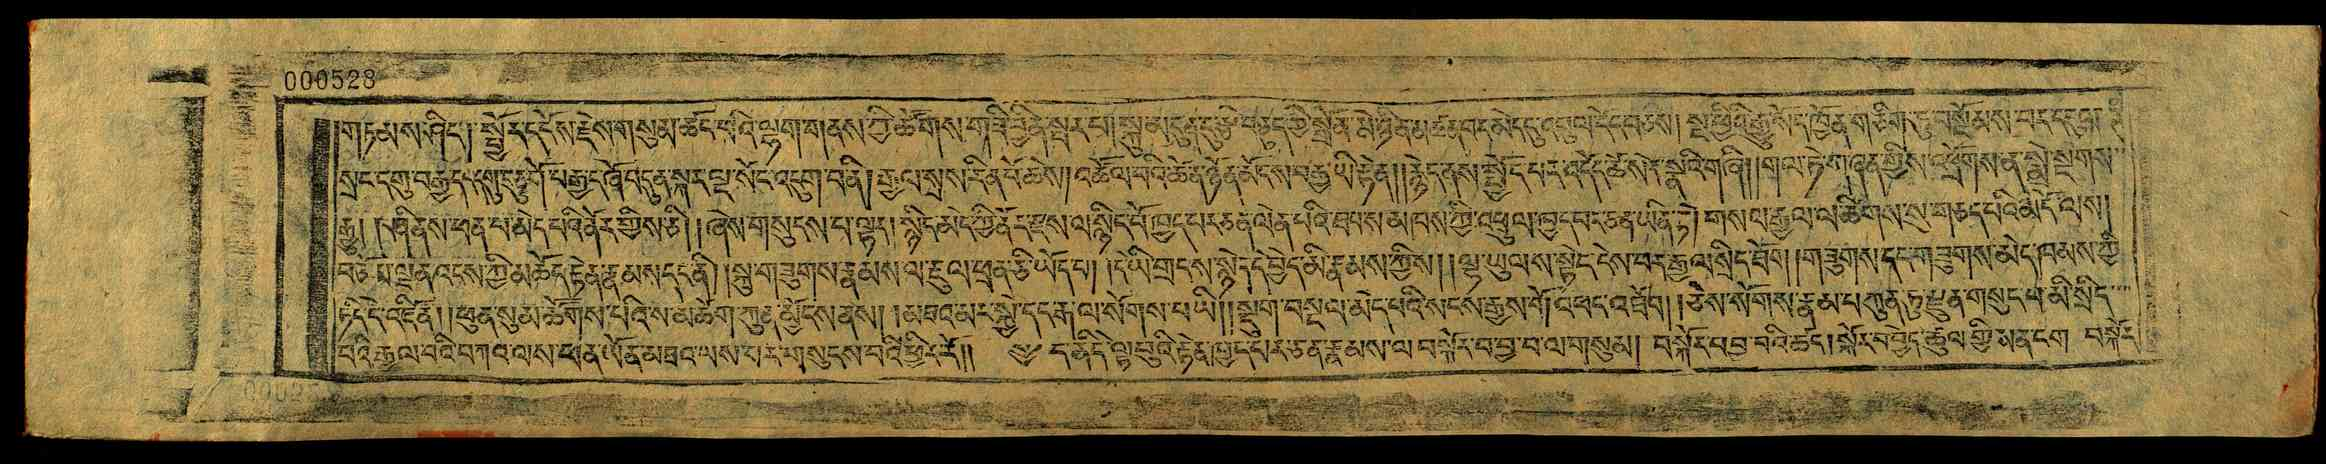གཏམས་ཤིང་། སྦྱོར་དངོས་རྗེས་གསུམ་ཚང་བའི་ལྷག་གནས་ཀྱི་ཚོགས་གཟི་བྱིན་སྦར་པ། སྐུ་མདུན་དུ་རྩི་བཅུད་ཀྱི་སྒྲོན་མེ་ཉིན་མཚན་བར་མེད་དུ་འབུལ་འདོད་བཅས། སྔ་ཕྱིའི་རྒྱུ་སོང་ཁྱོན་གཅིག་ཏུ་བསྡོམས་པད་དངུལ་ཊཾ་
སྲང་དགུ་བརྒྱ་དང་དགུ་བཅུ་གོ་བརྒྱད་ཞོ་བདུན་སྐར་ལྔ་སོང་འདུག་པ་ནི། རྒྱལ་སྲས་རིན་པོ་ཆོས། འཚོལ་བའི་ཚེ་ན་ཉོན་མོངས་བརྒྱ་ཡི་རྟེན། །རྙེད་ནས་སྤྱོད་པར་འདོད་ཚེ་སེར་སྣའི་གཞི། །གལ་ཏེ་གཞན་གྱིས་འཕྲོགས་ན་སྨེ་སྔགས་
རྒྱུ༑ ༑ཤི་ནས་ཕན་པ་མེད་པའི་ནོར་གྱིས་ཅི། །ཞེས་གསུངས་པ་ལྟར། སྙིང་མེད་ཀྱི་ནོར་རྫས་ལ་སྙིང་པོ་ཁྱད་པར་ཅན་ལོན་པའི་ཐབས་མཁས་ཀྱི་འཕྲུལ་ཁྱད་པར་ཅན་ཡིན་ཏེ། གསལ་རྒྱལ་ལ་ཚིགས་སུ་གཅད་པའི་མདོ་ལས།
བཅོམ་ལྡན་འདས་ཀྱི་མཆོད་རྟེན་རྣམས་དང་ནི། །སྐུ་གཟུགས་རྣམས་ལ་རྡུལ་ཕྲན་ཅི་ཡོད་པ། །དེ་ཡི་གྲངས་སྙེད་དེ་བྱེད་མི་རྣམས་ཀྱིས། །ལྷ་ཡུལ་ས་སྟེང་ངེས་པར་རྒྱལ་སྲིད་ཐོབ། །གསུགས་དང་གཟུགས་མེད་ཁམས་ཀྱི་
ཏིང་ངེ་འཛིན། །ཕུན་སུམ་ཚོགས་པའི་ས་མཆོག་ཀུན་མྱོངས་ནས། །མཐའ་མར་སྐྱེ་དང་རྒ་ལ་སོགས་པ་ཡི། །སྡུག་བསྔལ་མང་བའི་སངས་རྒྱས་གོ་འཕང་འཐོབ། །ཅེས་སོགས་རྣམ་པ་ཀུན་ཏུ་རྩུན་གསུང་བ་མི་སྲིད་
བའི་རྒྱལ་བའི་བཀའ་ལས་ཕན་ཡོན་མཐའ་ཡས་པར་གསུངས་པའི་ཕྱིར་རོ།། འ་ད་ནི་དེ་ལྟ་བུའི་རྟེན་ཁྱད་པར་ཅན་རྣམས་ལ་བསྐོར་བ་བྱ་བ་ལ་གསུམ། བསྐོར་བ་བྱ་བའི་ཚད། སྐོར་བ་བྱེད་ཚུལ་གྱི་མན་ངག་བསྐོར་